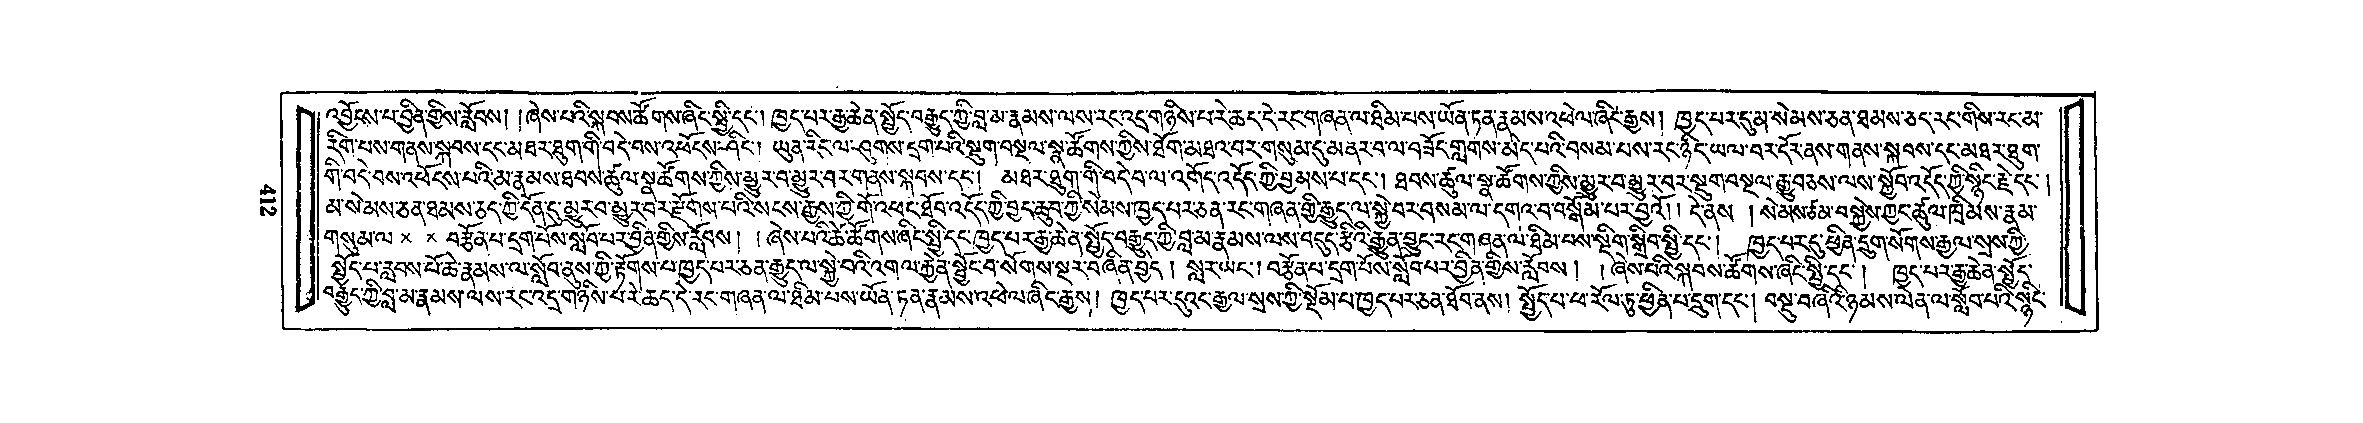འབྱོངས་པ་བྱིན་གྱིས་རློབས། །ཞེས་པའི་སྐབས་ཚོགས་ཞིང་སྤྱི་དང་། ཁྱད་པར་རྒྱ་ཆེན་སྤྱོད་བརྒྱུད་ཀྱི་བླ་མ་རྣམས་ལས་རང་འདྲ་གཉིས་པ་རེ་ཆད་དེ་རང་གཞན་ལ་ཐིམ་པས་ཡོན་ཏན་རྣམས་འཕེལ་ཞིང་རྒྱས། ཁྱད་པར་དུ་མ་སེམས་ཅན་ཐམས་ཅད་རང་གིས་རང་མ་
རིག་པས་གནས་སྐབས་དང་མཐར་ཐུག་གི་བདེ་བས་འཕོངས་ཤིང་། ཡུན་རིང་ལ་ཤུགས་དྲག་པའི་སྡུག་བསྔལ་སྣ་ཚོགས་ཀྱིས་ཐོག་མཐའ་བར་གསུམ་དུ་མནར་བ་ལ་བཟོད་གླགས་མེད་པའི་བསམ་པས་རང་ཉིད་ཡལ་བར་དོར་ནས་གནས་སྐབས་དང་མཐར་ཐུག་
གི་བདེ་བས་འཕོངས་པའི་མ་རྣམས་ཐབས་ཚུལ་སྣ་ཚོགས་ཀྱིས་མྱུར་བ་མྱུར་བར་གནས་སྐབས་དང་། མཐར་ཐུག་གི་བདེ་བ་ལ་འགོད་འདོད་ཀྱི་བྱམས་པ་དང་། ཐབས་ཚུལ་སྣ་ཚོགས་ཀྱིས་མྱུར་བ་མྱུར་བར་སྡུག་བསྔལ་རྒྱུ་བཅས་ལས་སྐྱོབ་འདོད་ཀྱི་སྙིང་རྗེ་དང་།
མ་སེམས་ཅན་ཐམས་ཅད་ཀྱི་དོན་དུ་མྱུར་བ་མྱུར་བར་རྫོགས་པའི་སངས་རྒྱས་ཀྱི་གོ་འཕང་ཐོབ་འདོད་ཀྱི་བྱང་ཆུབ་ཀྱི་སེམས་ཁྱད་པར་ཅན་རང་གཞན་གྱི་རྒྱུད་ལ་སྐྱེ་བར་བསམ་ལ་དགའ་བ་བསྒོམ་པར་བྱའོ། །དེ་ནས། སེམས་ཙམ་བསྐྱེས་ཀྱང་ཚུལ་ཁྲིམས་རྣམ་
གསུམ་ལ་྾་྾་བརྩོན་པ་དྲག་པོས་སློབ་པར་བྱིན་གྱིས་རློབས། །ཞེས་པའི་ཚེ་ཚོགས་ཞིང་སྤྱི་དང་ཁྱད་པར་རྒྱ་ཆེན་སྤྱོད་བརྒྱུད་ཀྱི་བླ་མ་རྣམས་ལས་བདུད་རྩིའི་རྒྱུན་བྱུང་རང་གཞན་ལ་ཐིམ་པས་སྡིག་སྒྲིབ་སྤྱི་དང་། ཁྱད་པར་དུ་ཕྱིན་དྲུག་སོགས་རྒྱལ་སྲས་ཀྱི་
སྤྱོད་པ་རླབས་པོ་ཆེ་རྣམས་ལ་སློབ་ནུས་ཀྱི་རྟོགས་པ་ཁྱད་པར་ཅན་རྒྱུད་ལ་སྐྱེ་བའི་འགལ་རྐྱེན་སྦྱོང་བ་སོགས་སྔར་བཞིན་བྱེད། སླར་ཡང་། བརྩོན་པ་དྲག་པོས་སློབ་པར་བྱིན་གྱིས་རློབས། །ཞེས་པའི་སྐབས་ཚོགས་ཞིང་སྤྱི་དང་། ཁྱད་པར་རྒྱ་ཆེན་སྤྱོད་
བརྒྱུད་ཀྱི་བླ་མ་རྣམས་ལས་རང་འདྲ་གཉིས་པ་རེ་ཆད་དེ་རང་གཞན་ལ་ཐིམ་པས་ཡོན་ཏན་རྣམས་འཕེལ་ཞིང་རྒྱས། ཁྱད་པར་དུའང་རྒྱལ་སྲས་ཀྱི་སྡོམ་པ་ཁྱད་པར་ཅན་ཐོབ་ནས། སྤྱོད་པ་ཕ་རོལ་ཏུ་ཕྱིན་པ་དྲུག་དང་། བསྡུ་བཞིའི་ཉམས་ལེན་ལ་སློབ་པའི་སྙིང་